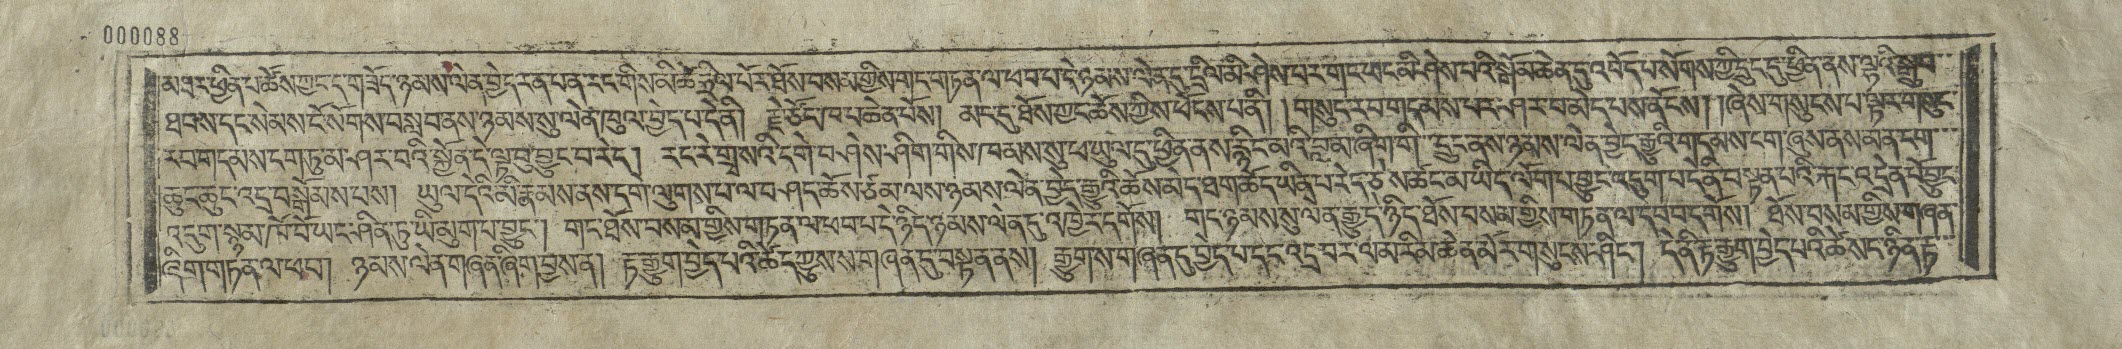མཐར་ཕྱིན་པ་ཚོས་ཀྱང་ད་གཟོད་ཉམས་ལེན་བྱེད་རན་པ་ན་རང་གིས་མི་ཚེ་ཧྲིལ་པོར་ཐོས་བསམ་གྱིས་གང་གཏན་ལ་ཕབ་པ་དེ་ཉམས་ལེན་དུ་དྲིལ་མི་ཤེས་པར་གང་ཡང་མི་ཤེས་པའི་སྒོམ་ཆེན་དུ་འབོད་པ་སོགས་ཀྱི་དྲུང་དུ་ཕྱིན་ནས་ལྷའི་སྒྲུབ་
ཐབས་དང་སེམས་ངོ་སོགས་བསླབ་ནས་ཉམས་སུ་ལེན་ཁུལ་བྱེད་པ་དེ་ནི། རྗེ་ཙོང་ཁ་པ་ཆེན་པོས། མང་དུ་ཐོས་ཀྱང་ཆོས་ཀྱིས་ཕོངས་པ་ནི། །གསུང་རབ་གདམས་པར་ཤར་བ་མེད་པས་ནོངས། །ཞེས་གསུངས་པ་ལྟར་གསུང་
རབ་གདམས་ངག་ཏུ་མ་ཤར་བའི་སྐྱོན་དེ་ལྟ་བུ་བྱུང་བ་རེད། རང་རེ་གྲྭ་སའི་དགེ་བཤེས་ཤིག་གིས་ཁམས་སུ་ཕ་ཡུལ་དུ་ཕྱིན་ནས་རྙིང་མའི་བླ་མ་ཞིག་གི་དྲུང་ནས་ཉམས་ལེན་བྱེད་རྒྱུའི་གདམས་ངག་ཞུས་ནས་མན་ངག་
ཆུང་ཆུང་འདྲ་བསྒོམས་པས། ཡུལ་དེའི་མི་རྣམས་ནས་དགེ་ལུགས་པ་ལ་བཤད་ཆོས་ཙམ་ལས་ཉམས་ལེན་བྱེད་རྒྱུའི་ཆོས་མེད་ཐག་ཆོད་ཡིན་པ་རེད་ཅེས་ཚང་མ་ཡིད་ལོག་པ་བྱུང་འདུག་པ་དེ་ནི་བསྟན་པའི་རྐང་འདྲེན་པོ་བྱུང་
འདུག་སྙམ་ཁོ་བོ་ཡང་ཤིན་ཏུ་ཡི་མུག་པ་བྱུང་། གང་ཐོས་བསམ་གྱིས་གཏན་ལ་ཕབ་པ་དེ་ཉིད་ཉམས་ལེན་དུ་འཁྱེར་དགོས། གང་ཉམས་སུ་ལེན་རྒྱུ་དེ་ཉིད་ཐོས་བསམ་གྱིས་གཏན་ལ་དབབ་དགོས། ཐོས་བསམ་གྱིས་གཞན་
ཞིག་གཏན་ལ་ཕབ། ཉམས་ལེན་གཞན་ཞིག་བྱས་ན། རྟ་རྒྱུག་བྱེད་པའི་ཚེ་དཀྱུས་ས་གཞན་དུ་བསྟན་ནས། རྒྱུག་ས་གཞན་དུ་བྱེད་པ་དང་འདྲ་བར་ལམ་རིམ་ཆེན་མོར་གསུངས་ཤིང་། དེ་ནི་རྟ་རྒྱུག་བྱེད་པའི་ཚེ་སང་ཉིན་རྟ་